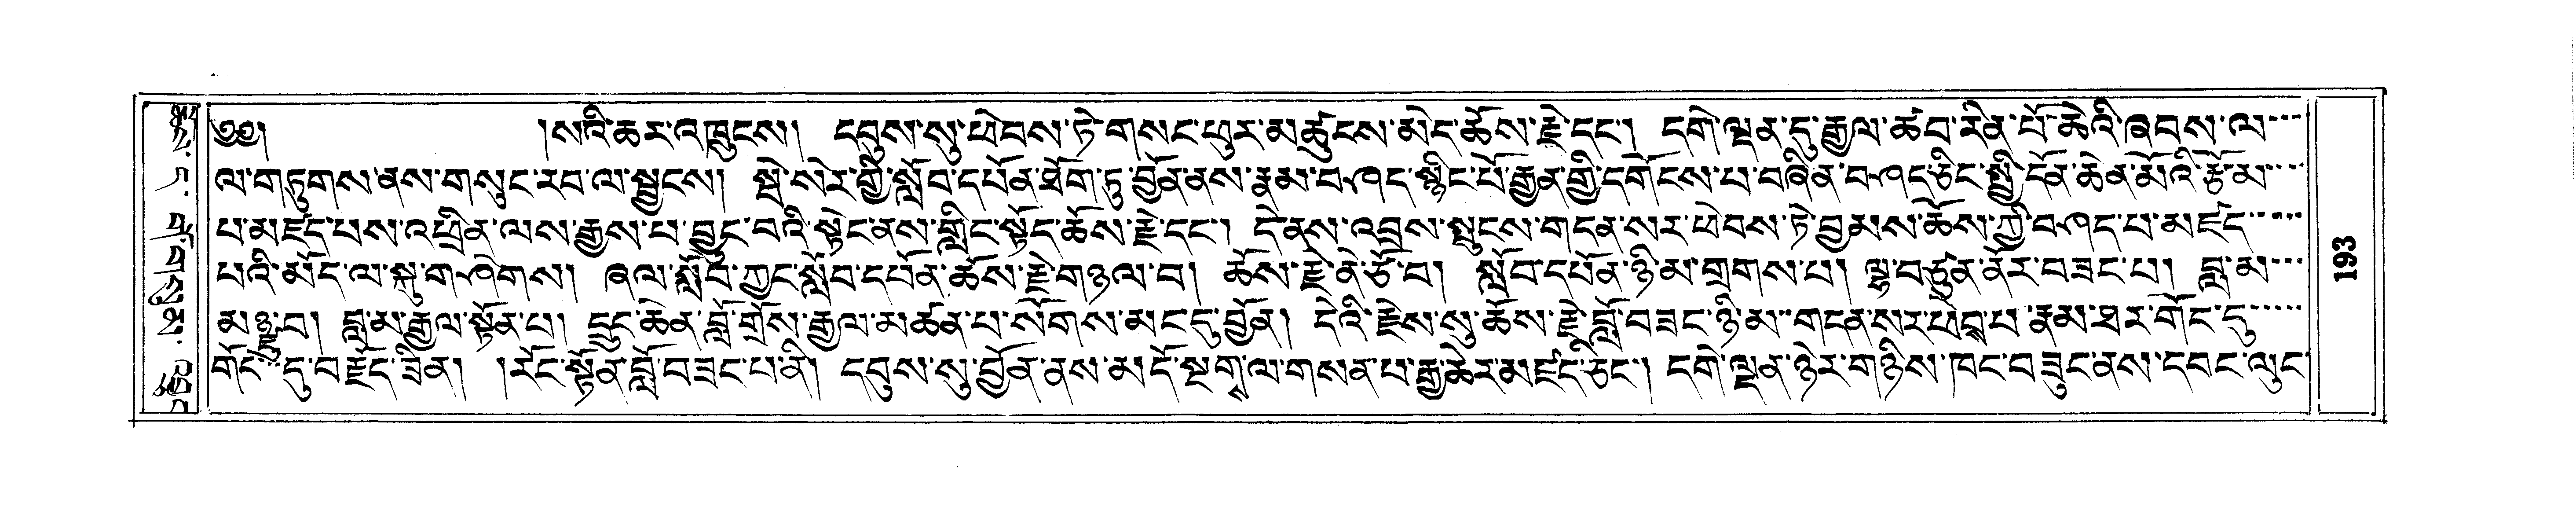༄༅། །སའི་ཆར་འཁྲུངས། དབུས་སུ་ཕེབས་ཏེ་གསང་ཕུར་མཚུངས་མེད་ཆོས་རྗེ་དང་། དགེ་ལྡན་དུ་རྒྱལ་ཚབ་རིན་པོ་ཆེའི་ཞབས་ལ་
ལ་གཏུགས་ནས་གསུང་རབ་ལ་སྦྱང་། སྦེ་སེར་གྱི་སློབ་དཔོན་ཐོག་ཏུ་བྱོན་ནས་རྣམ་བཤད་སྙིང་པོ་རྒྱན་གྱི་དགོངས་པ་བཞིན་བཤད་ཅིང་སྤྱི་དོན་ཆེན་མོའི་རྩོམ་
པ་མཛད་པས་འཕྲིན་ལས་རྒྱས་པ་བྱུང་བའི་སྟེང་ནས་གླིང་སྟོད་ཆོས་རྗེ་དང་། དེ་ནས་འབྲས་སྤུངས་གདན་པར་ཕེབས་ཏེ་བྱམས་ཆོས་ཀྱི་བཤད་པ་མཛད་
པའི་མོད་ལ་སྐུ་གཤེགས། ཞལ་སློབ་ཀྱང་སློབ་དཔོན་ཆོས་རྗེ་གཉལ་བ། ཆོས་རྗེ་ནེ་ཙོ་བ། སློབ་དཔོན་ཉི་མ་གྲགས་པ། ལྷ་བཙུན་ནོར་བཟང་པ། བླ་མ་
མཉྫུ་བ། བླ་མ་རྒྱལ་སྟོན་པ། དྲུང་ཆེན་བློ་གྲོས་རྒྱལ་མཚན་པ་སོགས་མང་དུ་བྱོན། དེའི་རྗེས་སུ་ཆོས་རྗེ་བློ་བཟང་ཉི་མ་གདན་སར་ཕེབས་པ་རྣམ་ཐར་གོང་དུ་
གོང་དུ་བརྗོད་ཟིན། །རོང་སྟོན་བློ་བཟང་པ་ནི། དབུས་སུ་བྱོན་ནས་མདོ་སྔགས་ལ་གསན་པ་རྒྱ་ཆེར་མཛད་ཅིང་། དགེ་ལྡན་ཉེར་གཉིས་ཁང་བཟུང་ནས་དབང་ལུང་